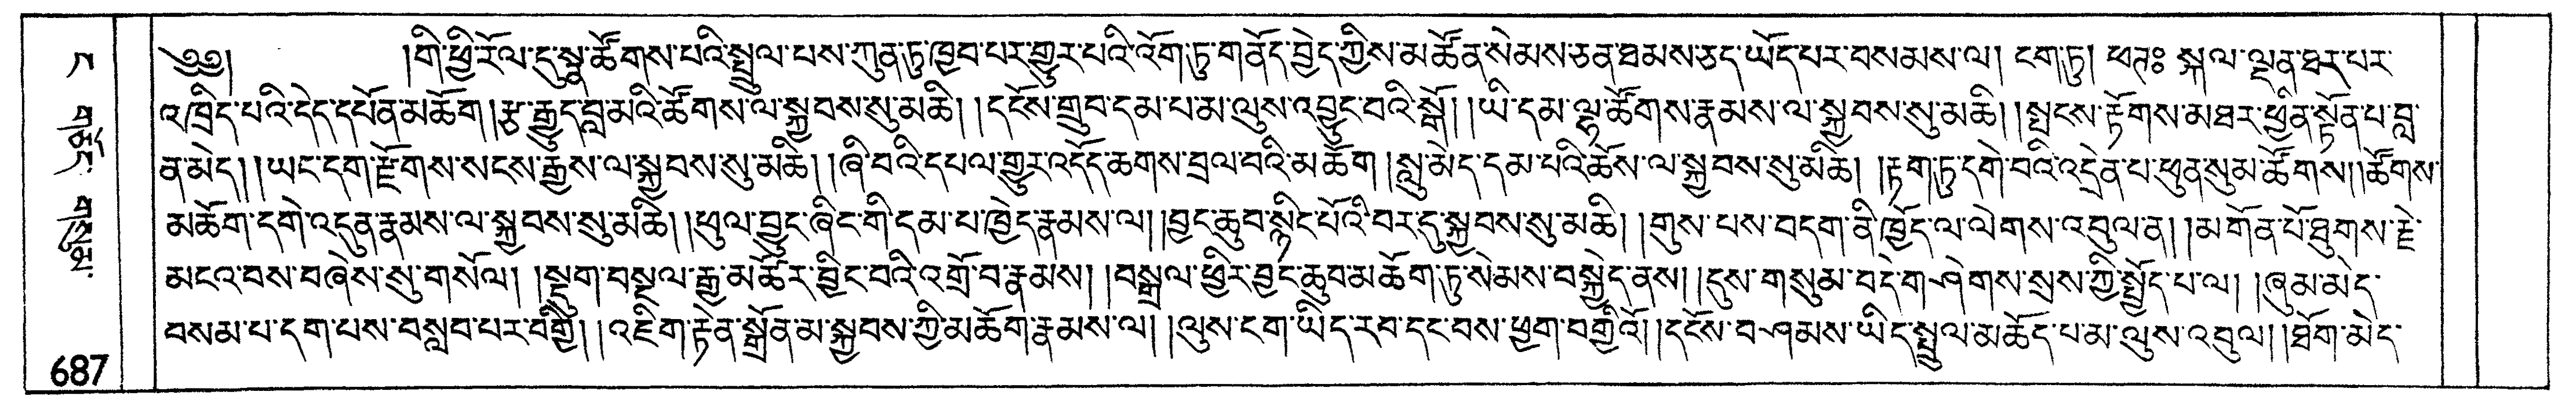༄༅། །གི་ཕྱི་རོལ་དུ་སྣ་ཚོགས་པའི་སྤྲུལ་པས་ཀུན་ཏུ་ཁྱབ་པར་གྱུར་པའི་འོག་ཏུ་གནོད་བྱེད་ཀྱིས་མཚོན་སེམས་ཅན་ཐམས་ཅད་ཡོད་པར་བསམས་ལ། ངག་ཏུ། ཕཊཿ སྐལ་ལྡན་ཐར་པར་
འཁྲིད་པའི་དེད་དཔོན་མཆོག །རྩ་རྒྱུད་བླ་མའི་ཚོགས་ལ་སྐྱབས་སུ་མཆི། །དངོས་གྲུབ་དམ་པ་མ་ལུས་འབྱུང་བའི་སྒོ། །ཡི་དམ་ལྷ་ཚོགས་རྣམས་ལ་སྐྱབས་སུ་མཆི། །སྤངས་རྟོགས་མཐར་ཕྱིན་སྟོན་པ་བླ་
ན་མེད། །ཡང་དག་རྫོགས་སངས་རྒྱས་ལ་སྐྱབས་སུ་མཆི། །ཞི་བའི་དཔལ་གྱུར་འདོད་ཆགས་བྲལ་བའི་མཆོག །སླུ་མེད་དམ་པའི་ཆོས་ལ་སྐྱབས་སུ་མཆི། །རྟག་ཏུ་དགེ་བའི་འདྲེན་པ་ཕུན་སུམ་ཚོགས། །ཚོགས་
མཆོག་དགེ་འདུན་རྣམས་ལ་སྐྱབས་སུ་མཆི། །ཕུལ་བྱུང་ཞིང་གི་དམ་པ་ཁྱེད་རྣམས་ལ། །བྱང་ཆུབ་སྙིང་པོའི་བར་དུ་སྐྱབས་སུ་མཆི། །གུས་པས་བདག་ནི་ཁྱོད་ལ་ལེགས་འབུལ་ན། །མགོན་པོ་ཐུགས་རྗེ་
མངའ་བས་བཞེས་སུ་གསོལ། །སྡུག་བསྔལ་རྒྱ་མཚོར་བྱིང་བའི་འགྲོ་བ་རྣམས། །བསྒྲལ་ཕྱིར་བྱང་ཆུབ་མཆོག་ཏུ་སེམས་བསྐྱེད་ནས། །དུས་གསུམ་བདེ་གཤེགས་སྲས་ཀྱི་སྤྱོད་པ་ལ། །ཞུམ་མེད་
བསམ་པ་དག་པས་བསླབ་པར་བགྱི། །འཇིག་རྟེན་སྒྲོན་མ་སྐྱབས་ཀྱི་མཆོག་རྣམས་ལ། །ལུས་ངག་ཡིད་རབ་དང་བས་ཕྱག་བགྱིའོ། །དངོས་བཤམས་ཡིད་སྤྲུལ་མཆོད་པ་མ་ལུས་འབུལ། །ཐོག་མེད་